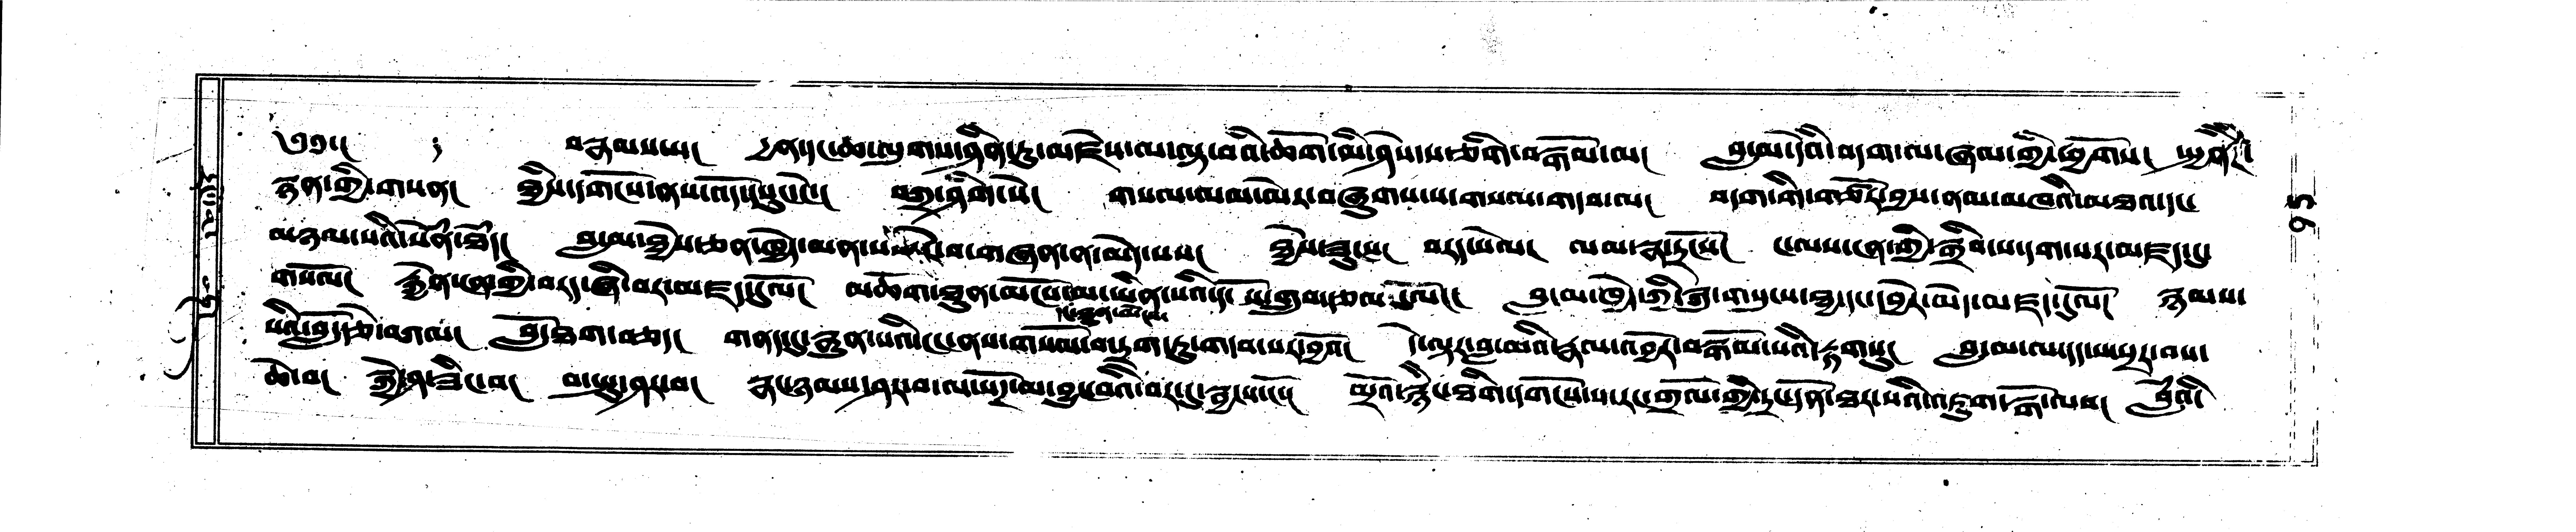བསྣམས་པ། རྒྱན་དང་ཆ་ལུགས་ཤིན་ཏུ་མཛེས་ལ་ལྟ་བས་ཆོག་མི་ཤེས་པ་ཞིག་བསྒོམས་ལ། བླ་མ་དེས་བདག་ལ་ཞལ་གྱིས་ཕྱོགས། སྤྱན་གྱིས་གཟིགས།
 སྙན་གྱིས་གསན། ཐུགས་ཀྱིས་དགོངས་ནས་འོད་དཔུང་ངེ་། བཀྲ་ཤིགས་སེ། གསལ་ལམ་མེར་བཞུགས་པ་གསལ་གདབ་ལ། བདག་གིས་གཙོར་བྱས་ནམ་མཁའི་མཐའ་དང་
མཉམ་པའི་སེམས་ཅན་ཐམས་ཅད་བླ་མ་ཐུགས་རྗེ་ཅན་ཁྱེད་མིན་པའི་རེ་ས་གཞན་ན་མེད་པས། ཐུགས་རྗེས་ཟུངས། བར་ཆད་སེལ། ལམ་སྣ་དྲོངས། ལས་ངན་གྱི་སྒྲིབ་པ་དག་པར་མཛད་དུ་
གསོལ། རྐྱེན་ངན་གྱི་བར་ཆད་ཞི་བར་མཛད་དུ་གསོལ། མཆོག་ཐུན་མོང་དང་ཐུན་མོང་མ་ཡིན་པའི་དངོས་གྲུབ་སྩལ་དུ་གསོལ། བླ་མ་ཁྱེད་ནི་སྐུ་གསུང་ཐུགས་ཀྱི་དངོས་གྲུབ་སྩལ་དུ་གསོལ། བླ་མ་ཁྱེད་ཀྱི་སྐུ་གསུང་ཐུགས་དང་དབྱེར་མེད་མཛད་དུ་གསོལ་སྙམ་
པའི་བློ་རྩེ་བཀལ། བློ་ཐག་བཅད། གནད་དུ་བསྣུན་པའི་ངང་ནས་གསོལ་བ་དྲག་ཏུ་གདབ་པར་བྱའོ། །དེ་ལྟར་བླ་མའི་རྣལ་འབྱོར་བསྒོམས་པའི་རྟགས་སུ། བླ་མ་ལ་དད་པ་སྔར་བས་
ཆེ་བ། སྐྱེ་ཤ་ཟིང་བ། བ་སྤུ་ཤར་བ། སྣང་ཉམས་ཤར་བ་ལ་སོགས་མ་བྱུང་བའི་བར་དུ་སྦྱང་ངོ་། །མཁའ་འགྲོ་སྙིང་ཐིག་དགོངས་པ་རང་གྲོལ་གྱི་དྲང་དོན་ཐར་པའི་འཇུག་སྒོ་ལས། བླ་མའི་